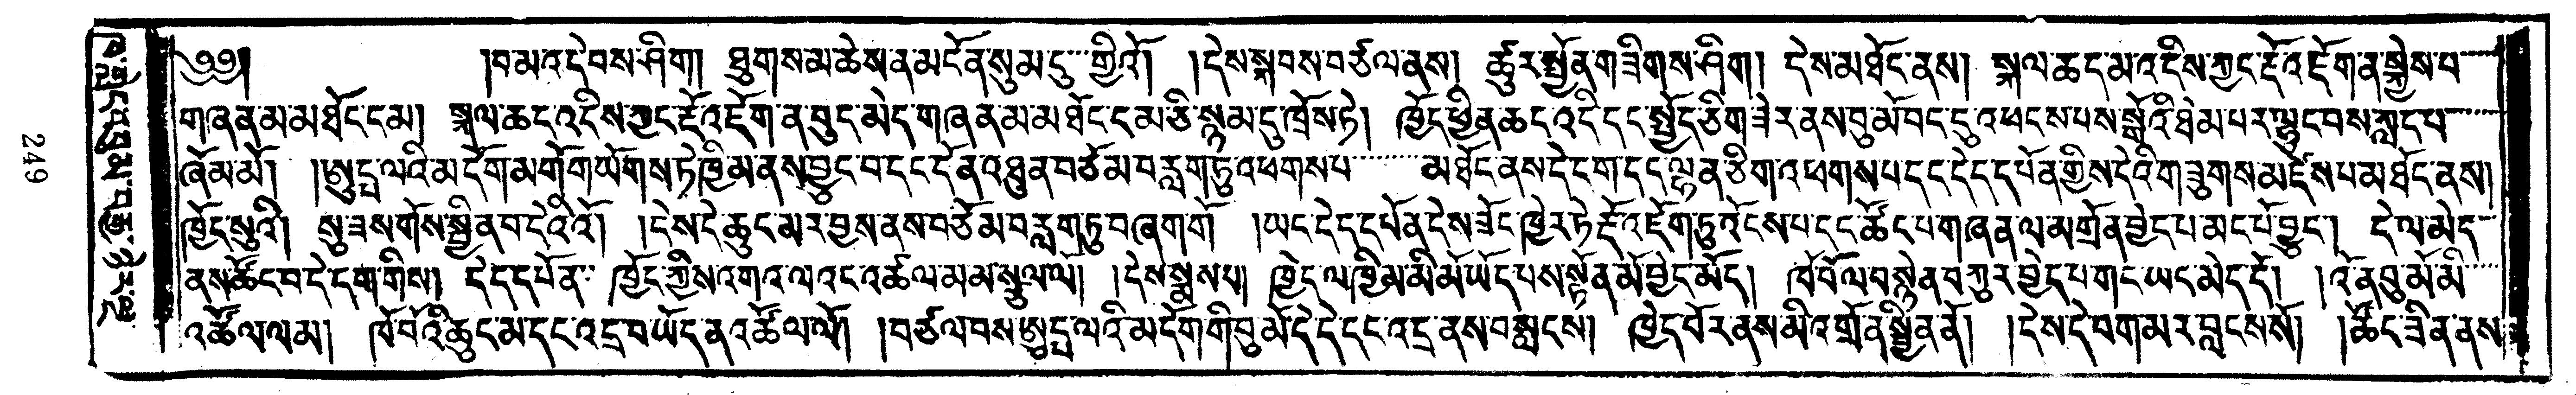༄༅། །བ་མ་འདེབས་ཤིག། ཐུགས་མ་ཆེས་ན་མངོན་སུམ་དུ་གྱིའོ། །དེས་སྐབས་བཙལ་ནས། ཚུར་སྤྱིན་གཟིགས་ཤིག། དེས་མཐོང་ནས། སྐལ་ཆད་མ་འདིས་ཀྱང་རྡོ་འཇོག་ན་སྐྱེས་པ་
གཞན་མ་མཐོང་ངམ། སྐལ་ཆད་འདིས་ཀྱང་རྡོ་འཇོག་ན་བུད་མེད་གཞན་མ་མཐོང་ངམ་ཅི་སྙམ་དུ་ཁྲོས་ཏེ། ཁྱོད་ཕྱིན་ཆད་འདི་དང་སྤྱོད་ཅིག་ཟེར་ནས་བུ་མོ་བང་དུ་འཕངས་པས་སྒོའི་ཐེམ་པར་ལྷུང་བས་ཀླང་པ་
ཞོམ་མོ། །ཨུདཔ་ལའི་མདོག་མགོ་གཡོགས་ཏེ་ཁྱིམ་ནས་བྱུང་བ་དང་དོན་འཐུན་བཅོམ་བརླག་ཏུ་འཕགས་པ་མཐོང་ནས་དེ་དག་དང་ལྷན་ཅིག་འཕགས་པ་དང་དེད་དཔོན་གྱིས་དེའི་གཟུགས་མཛེས་པ་མཐོང་ནས།
ཁྱོད་སུའི། སུ་ཟས་གོས་སྦྱིན་པ་དེའིའོ། །དེས་དེ་ཆུང་མར་བྱས་ནས་བཅོམ་བརླག་ཏུ་བཞག་གོ །ཡང་དེད་དཔོན་དེས་ཟོང་ཁྱེར་ཏེ་རྡོ་འཇོག་ཏུ་འོངས་པ་དང་ཚོང་པ་གཞན་ལ་མགྲོན་བྱེད་པ་མང་པོ་བྱུང་། དེ་ལ་མེད་
ནས་ཚོང་བ་དེ་དག་གིས། དེད་དཔོན་ཁྱོད་ཀྱིས་འགའ་ལའང་འཚལ་མ་མ་སྩལ་ལོ། །དེས་སྨྲས་པ། ཁྱེད་ལ་ཁྱིམ་མི་མོ་ཡོད་པས་སྟོན་མོ་བྱེད་མོད། ཁོ་བོ་ལ་བསྙེན་བཀུར་བྱེད་པ་གང་ཡང་མེད་དོ། །འོ་ན་བུ་མོ་མི་
འཚོལ་ལམ། ཁོ་བོའི་ཆུང་མ་དང་འདྲ་བ་ཡོད་ན་འཚོལ་ལོ། །བཙལ་བས་ཨུདཔ་ལའི་མདོག་གི་བུ་མོ་དེ་དེ་དང་འདྲ་ནས་བསླངས། ཁྱེད་བོར་ནས་མི་འགྲོ་ན་སྦྱིན་ནོ། །དེས་དེ་བག་མར་བླངས་སོ། །ཚོང་ཟིན་ནས་